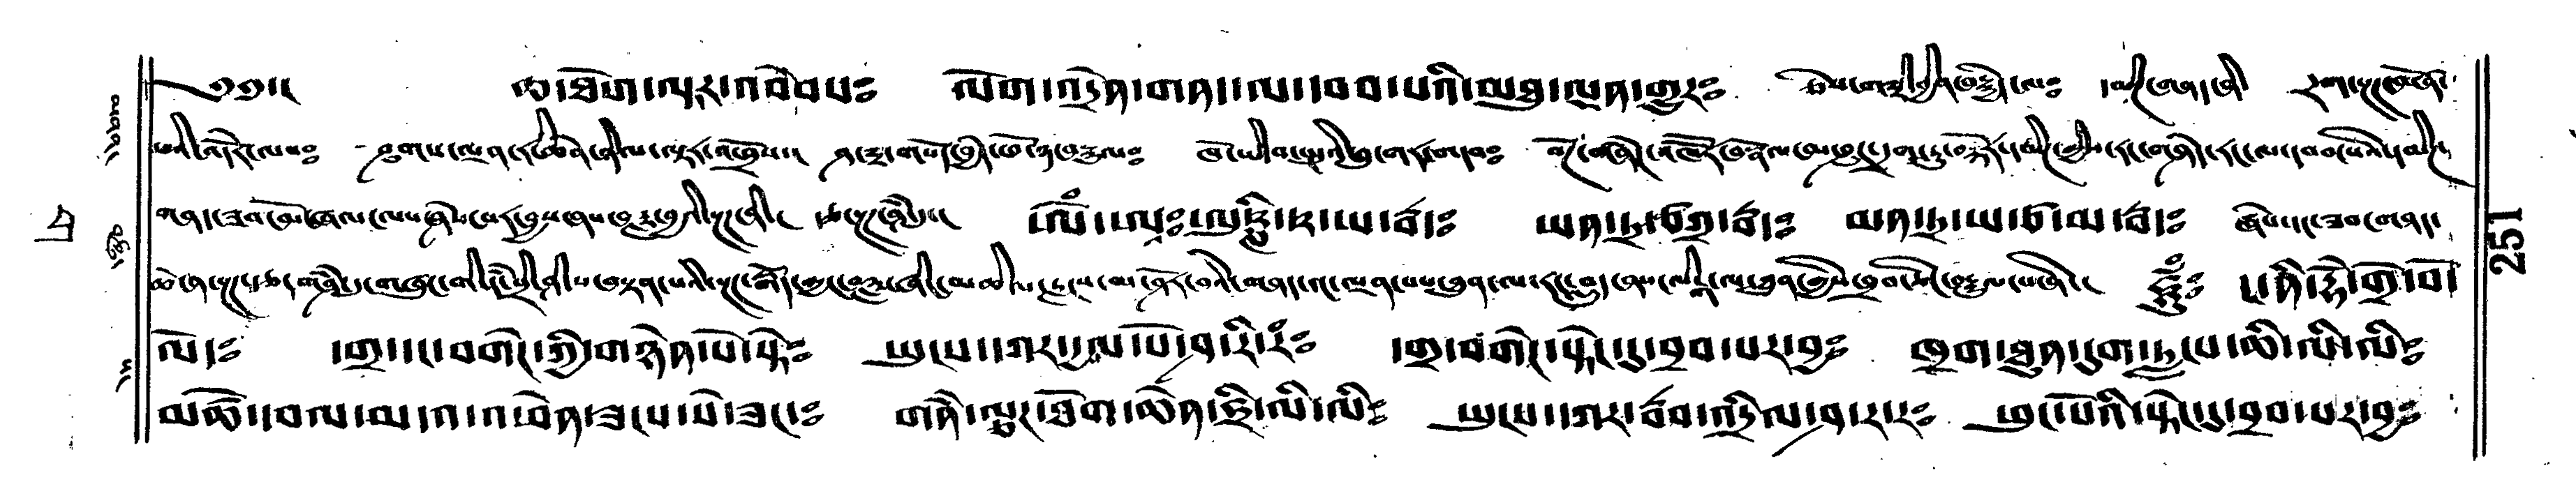ཆ་ཐོག་ལྟར་འབེབསཿ ལོག་འདྲེན་གནད་ལ་དབབ་པའི་མཐུ་ལྡན་གྱུརཿ ཅེས་གཟི་བྱིན་བསྐྱེད་ལ། དམིགས་གནད་ནི དྲག་སྔགས་མཚོན་
ཆའི་འོད་ཟེར་ལསཿ ཤུགས་ལྡན་རི་ཆེན་ཉིལ་ལྟར་འཕྲོསཿ ཤ་ཟ་གསོད་བྱེད་ཕོ་ཉ་བསྐུལཿ ཁོ་ཡི་བ་སྤུའི་བུ་གར་གདབཿ སོགས་གནམ་ལྕགས་འཁོར་ལོ་བསྣོལ་མ་ཤུགས་དྲག་ཏུ་བསྐོར་དམིགས་ཀྱིས་རང་གཤེད་རང་ལ་དབབ་པའི་དམིགས་
གནད་ཟབ་མོ་ཞལ་ལས་ཤེས་པར་བྱས་ནས་བཟླ་བྱའི་སྔགས་ནི་ རྩ་སྔགས་གཤམ་དུ། ཨོཾ་ཨཱཿཨུཥྞི་ར་ཡ་རྦདཿ ཡན་ཏྲ་ཙཀྲ་རྦདཿ མན་ཏྲ་ཡ་ཙ་མ་རྦདཿ ཞེས་དང་ཟབ་གནད་
ཆེ་ན་སྔགས་རྩང་གཤམ་དུ་གཞུང་གི་དམ་སྲི་ཤི་ས་བསྟན་པའི་སྔགས་རྒོད་ཀྱང་བཟླ་ཞིང་མཆིལ་རླངས་མ་ཤོར་བའི་གནད་དང་ལྡན་པས་ཐུན་ལ་རང་བླུད་ནས་ལིང་ག་ལ་ཐུན་གྱིས་བྲབ་ཅིང་བསྐུལ་པ་ནི།ཧཱུྃཿ ང་ནི་རྡོ་རྗེ་གྲོ་བོ་
ལོདཿ དགྲ་དང་བགེགས་ཀྱི་གཉེན་པོ་སྟེཿ ཡུངས་དཀར་རྒྱལ་པོ་ཤ་རི་རཾཿ དགྲ་བགེགས་སྟེང་དུ་བྲབ་པར་བྱཿ ཁྲག་ཐུན་དུག་རླངས་ཆི་ལི་ལིཿ 
མཚོ་དབལ་མདའ་འཕེན་ཟངས་སེ་ཟངཿ གནམ་ལྕགས་ཐོག་ཆེན་ཧྲི་ལི་ལིཿ ཡུངས་དཀར་རྦབ་འདྲིལ་ཤ་ར་རཿ ཕུང་པོའི་སྟེང་དུ་བྲབ་པར་བྱཿ